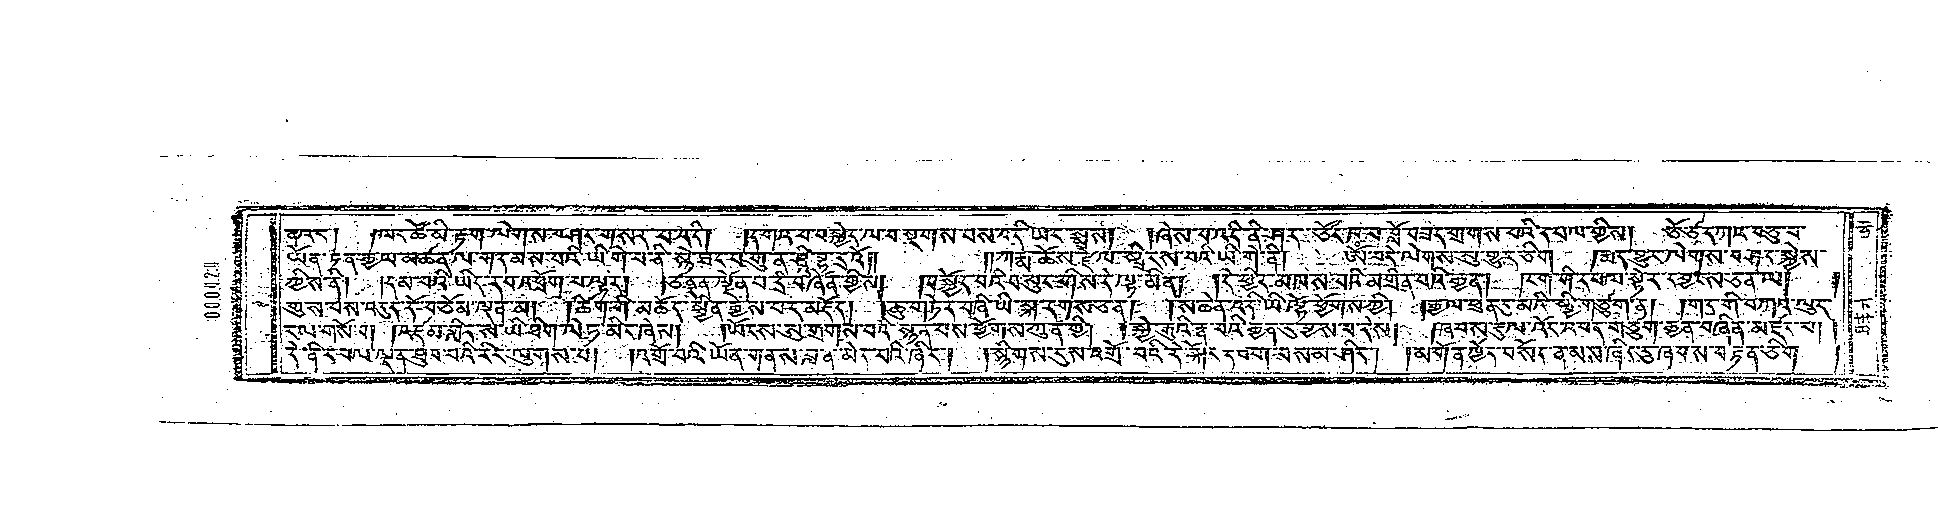ནའང་། །ལང་ཚེ་མི་རྟག་ལེགས་བཤད་གསར་པ་འདི། །དགའ་བ་བསྐྱེད་ལ་བསྔགས་བས་འདི་ཡང་སྨྲས། །ཞེས་པ་འདི་ནི་ཤར་ཙོང་ཁ་པ་བློ་བཟད་གྲགས་པའི་དཔལ་གྱིས། ཅོ་ཙ་དཀའ་བཅུ་པ་
ཡོན་ཏན་རྒྱལ་མཚན་ལ་གདམས་པའི་ཡི་གེ་པ་ནི་སྙེ་ཐང་བ་གུ་ན་ཤྲཱི་བྷ་དྲའོ།། །།ཀརྨ་ཆོས་རྫེ་ལ་སྤྲིངས་པའི་ཡི་གེ་ནི། ཨོཾ་བདེ་ལེགས་སུ་གྱུར་ཅིག །རྨད་བྱུང་ལེགས་བཤད་སྐྱེས་
ཀྱིས་ནི། །དམ་པའི་ཡིད་རབ་འཕྲོག་པ་ལྟར། །ཙནྡན་ལྗོན་པ་དྲི་བཞིན་གྱིས། །བསྐྱོད་བའི་བསུང་གིས་དེ་ལྟ་མིན། །དེ་ཕྱིར་མཁས་བའི་མགྲིན་པའི་རྒྱན། །ངག་གི་དཔལ་སྟེར་དབྱངས་ཅན་ལ། །
གུས་པས་འདུད་དོ་བཅོམ་ལྡན་མ། །ཚིག་གི་མཆོད་སྦྱིན་རྒྱས་པར་མཛོད། །ཆུ་གཏེར་བཞི་ཡི་སྐ་རགས་ཅན། །ས་ཆེན་འདི་ཡི་ལྷོ་ཕྱོགས་ཀྱི། །རྒྱལ་ཕྲན་དུ་མའི་སྤྱི་གཙུག་ན། །གང་གི་བཀའ་ལུང་
ངལ་གསོ་བ། །འཛམ་གླིང་ས་ཡི་ཐེག་ལེ་ཏ་མིང་ཞེས། །ཡོངས་སུ་གྲགས་བའི་སྙན་པས་ཕྱོགས་ཀུན་གྱི། །སྐྱེ་རྒུའི་རྣ་བའི་རྒྱན་དུ་བྱས་པ་དེས། །ཞབས་རྡུལ་འོང་འབད་གཙུག་རྒྱན་བཞིན་མཛད་པ། །
དེ་ནི་དཔལ་ལྡན་ཐུབ་པའི་རིང་ལུགས་པ། །འགྲོ་བའི་ཡོན་གནས་བླ་ན་མེད་པའི་ཞིང་། །སྙིགས་དུས་འགྲོ་བའི་རི་སྐོང་དཔག་བསམ་ཤིང་། །མགོན་ཁྱོད་བསོད་ནམས་ཞིང་དུ་ཞབས་བརྟན་ཅིག །